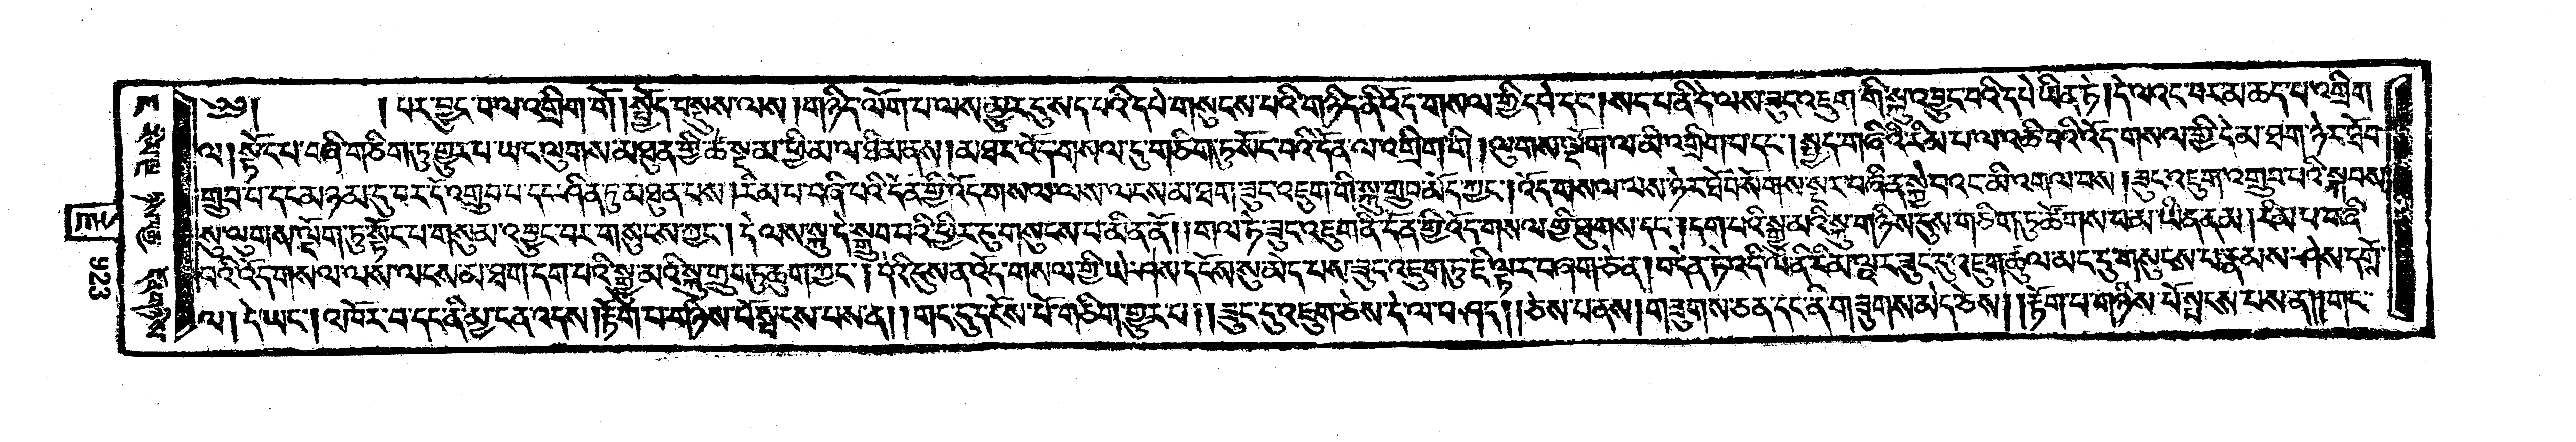༄༅། །པར་བྱུང་བ་ལ་འགྲིག་གོ །སྤྱོད་བསྡུས་ལས། གཉིད་ལོག་པ་ལས་མྱུར་དུ་སད་པའི་དཔེ་གསུངས་པའི་གཉིད་ནི་འོད་གསལ་གྱི་དཔེ་དང་། སད་པ་ནི་དེ་ལས་ཟུང་འཇུག་གི་སྐུ་འབྱུང་བའི་དཔེ་ཡིན་ཏེ། དེ་ལའང་བར་མ་ཆད་པ་འགྲིག་
ལ། སྟོང་པ་བཞི་གཅིག་ཏུ་གྱུར་པ་ཡང་ལུགས་མཐུན་གྱི་ཚེ་སྔ་མ་ཕྱི་མ་ལ་ཐིམ་ནས། མཐར་འོད་གསལ་དུ་གཅིག་ཏུ་སོང་བའི་དོན་ལ་འགྲིག་གི །ལུགས་ལྡོག་ལ་མི་འགྲིག་པ་དང་། སྤྱད་གཞིའི་རིམ་པ་ལ་འཆི་བའི་འོད་གསལ་གྱི་དེ་མ་ཐག་ཉེར་ཐོབ་
གྲུབ་པ་དང་མཉམ་དུ་བར་དེ་འགྲུབ་པ་དང་ཤིན་ཏུ་མཐུན་པས། རིམ་པ་བཞི་པའི་དོན་གྱི་འོད་གསལ་ལས་ལངས་མ་ཐག་ཟུང་འཇུག་གི་སྐུ་གྲུབ་མོད་ཀྱང་། འོད་གསལ་ལས་ཉེར་ཐོབ་སོགས་སྔར་བཞིན་སྐྱེ་བའང་མི་འགལ་བས། ཟུང་འཇུག་འགྲུབ་པའི་སྐབས་
སུ་ལུགས་ལྡོག་ཏུ་སྟོང་པ་གསུམ་འབྱུང་བར་གསུངས་ཀྱང་། དེ་ལས་སྐུ་དེ་སྒྲུབ་པའི་ཕྱིར་དུ་གསུངས་པ་མིན་ནོ། །གལ་ཏེ་ཟུང་འཇུག་ནི་དོན་གྱི་འོད་གསལ་གྱི་ཐུགས་དང་། དག་པའི་སྒྱུ་མའི་སྐུ་གཉིས་དུས་གཅིག་ཏུ་ཚོགས་པ་མ་ཡིན་ནམ། རིམ་པ་བཞི་
པའི་འོད་གསལ་ལས་ལངས་མ་ཐག་དག་པའི་སྒྱུ་མའི་སྐུ་གྲུབ་ཏུ་ཆུག་ཀྱང་། དེའི་དུས་ན་འོད་གསལ་གྱི་ཡེ་ཤེས་དངོས་སུ་མེད་པས་ཟུང་འཇུག་ཏུ་ཇི་ལྟར་བཞག་ཅེ་ན། བདེན་ཏེ་འདི་ལ་ནི་རིམ་ལྔར་ཟུང་དུ་འཇུག་ཚུལ་མང་དུ་གསུངས་པ་རྣམས་ཤེས་དགོས་
ལ། དེ་ཡང་། འཁོར་བ་དང་ནི་མྱ་ངན་འདས། རྟོག་པ་གཉིས་པོ་སྤངས་པས་ན། །གང་དུ་དངོས་པོ་གཅིག་གྱུར་བ། །ཟུང་དུ་འཇུག་ཅེས་དེ་ལ་བཤད། །ཅེས་པ་ནས། གཟུགས་ཅན་དང་ནི་གཟུགས་མེད་ཅེས། །རྟོག་པ་གཉིས་པོ་སྔངས་པས་ན། །གང་